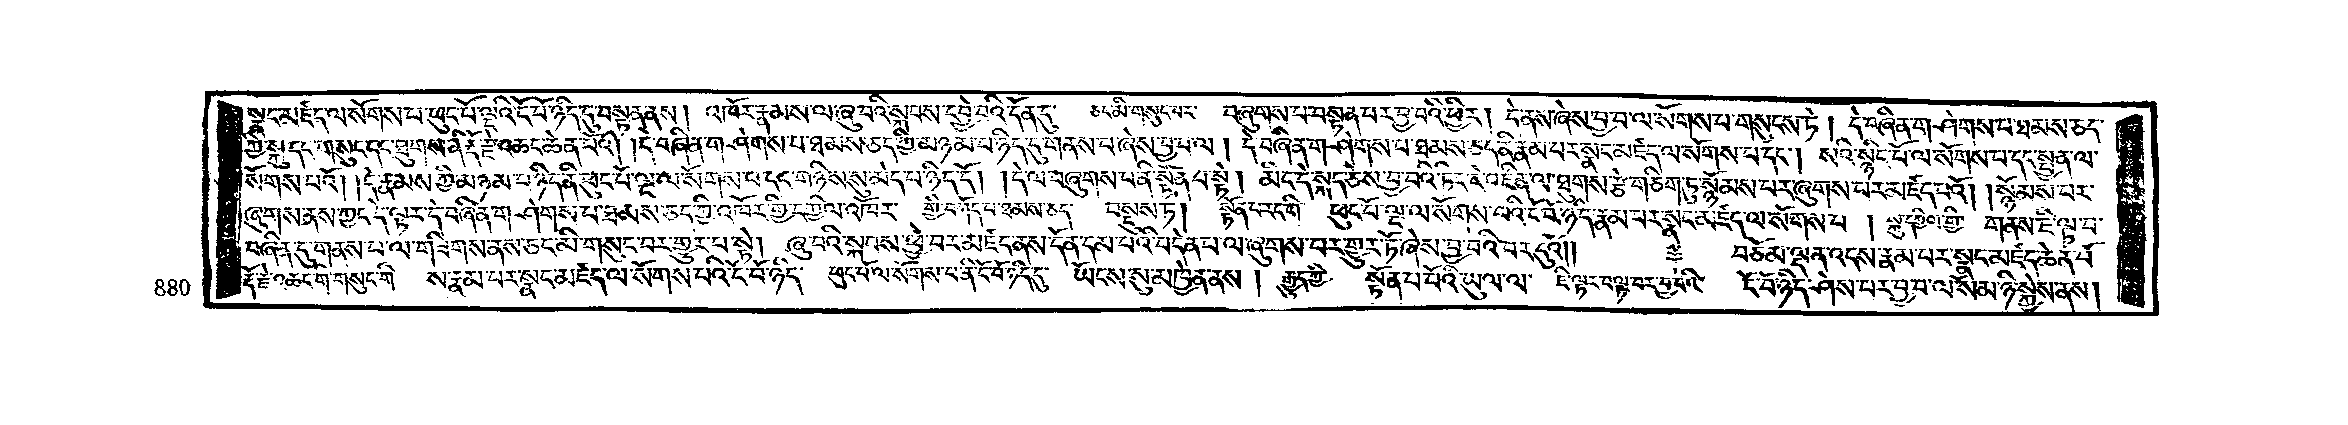སྣང་མཛད་ལ་སོགས་པ་ཕུང་པོ་ལྔའི་ངོ་བོ་ཉིད་དུ་བསྟན་ནས། འཁོར་རྣམས་ལ་ཞུ་བའི་སྐབས་དབྱེ་བའི་དོན་དུ་ཅང་མི་གསུང་བར་བཞུགས་པ་བསྟན་པར་བྱ་བའི་ཕྱིར། དེ་ནས་ཞེས་བྱ་བ་ལ་སོགས་པ་གསུངས་ཏེ། དེ་བཞིན་གཤེགས་པ་ཐམས་ཅད་
ཀྱི་སྐུ་དང་གསུང་དང་ཐུགས་ནི་རྡོ་རྗེ་འཆང་ཆེན་པོའོ། །དེ་བཞིན་གཤེགས་པ་ཐམས་ཅད་ཀྱི་མཉམ་པ་ཉིད་དུ་གནས་པ་ཞེས་བྱ་བ་ལ། དེ་བཞིན་གཤེགས་པ་ཐམས་ཅད་ནི་རྣམ་པར་སྣང་མཛད་ལ་སོགས་པ་དང་། སའི་སྙིང་པོ་ལ་སོགས་པ་དང་སྤྱན་ལ་
སོགས་པའོ། །དེ་རྣམས་ཀྱི་མཉམ་པ་ཉིད་ནི་ཕུང་པོ་ལྔ་ལ་སོགས་པ་དང་གཉིས་སུ་མེད་པ་ཉིད་དོ། །དེ་ལ་བཞུགས་པ་ནི་སྟོན་པ་སྟེ། མིང་དེ་སྐད་ཅེས་བྱ་བའི་ཏིང་ངེ་འཛིན་ལ་ཐུགས་རྩེ་གཅིག་ཏུ་སྙོམས་པར་ཞུགས་པར་མཛད་པའོ། །སྙོམས་པར་
ཞུགས་ནས་ཀྱང་དེ་ལྟར་དེ་བཞིན་གཤེགས་པ་ཐམས་ཅད་ཀྱི་འཁོར་གྱི་དཀྱིལ་འཁོར་གྱི་བཀོད་པ་ཐམས་ཅད་བསྡུས་ཏེ། སྟོན་པ་རང་གི་ཕུང་པོ་ལྔ་ལ་སོགས་པའི་ངོ་བོ་ཉིད་རྣམ་པར་སྣང་མཛད་ལ་སོགས་པ། སྐུ་དཀྱིལ་གྱི་གནས་ཇི་ལྟ་བ་
བཞིན་དུ་གནས་པ་ལ་གཟིགས་ནས་ཅང་མི་གསུང་བར་གྱུར་པ་སྟེ། ཞུ་བའི་སྐབས་ཕྱེ་བར་མཛད་ནས་དོན་དམ་པའི་བདེན་པ་ལ་ཞུགས་པར་གྱུར་ཏོ་ཞེས་བྱ་བའི་བར་དུའོ།། ༈ བཅོམ་ལྡན་འདས་རྣམ་པར་སྣང་མཛད་ཆེན་པོ་
རྡོ་རྗེ་འཆང་གི་གསུང་གིས་རྣམ་པར་སྣང་མཛད་ལ་སོགས་པའི་ངོ་བོ་ཉིད་ཕུང་པོ་ལ་སོགས་པ་ནི་ངོ་བོ་ཉིད་དུ་ཡོངས་སུ་མཁྱེན་ནས། རྒྱུད་ཀྱི་སྟོན་པ་པོའི་ཡུལ་ལ་ཇི་ལྟར་བལྟ་བར་བྱ་བའི་ངོ་བོ་ཉིད་ཤེས་པར་བྱ་བ་ལ་སོམ་ཉི་སྐྱེས་ནས།